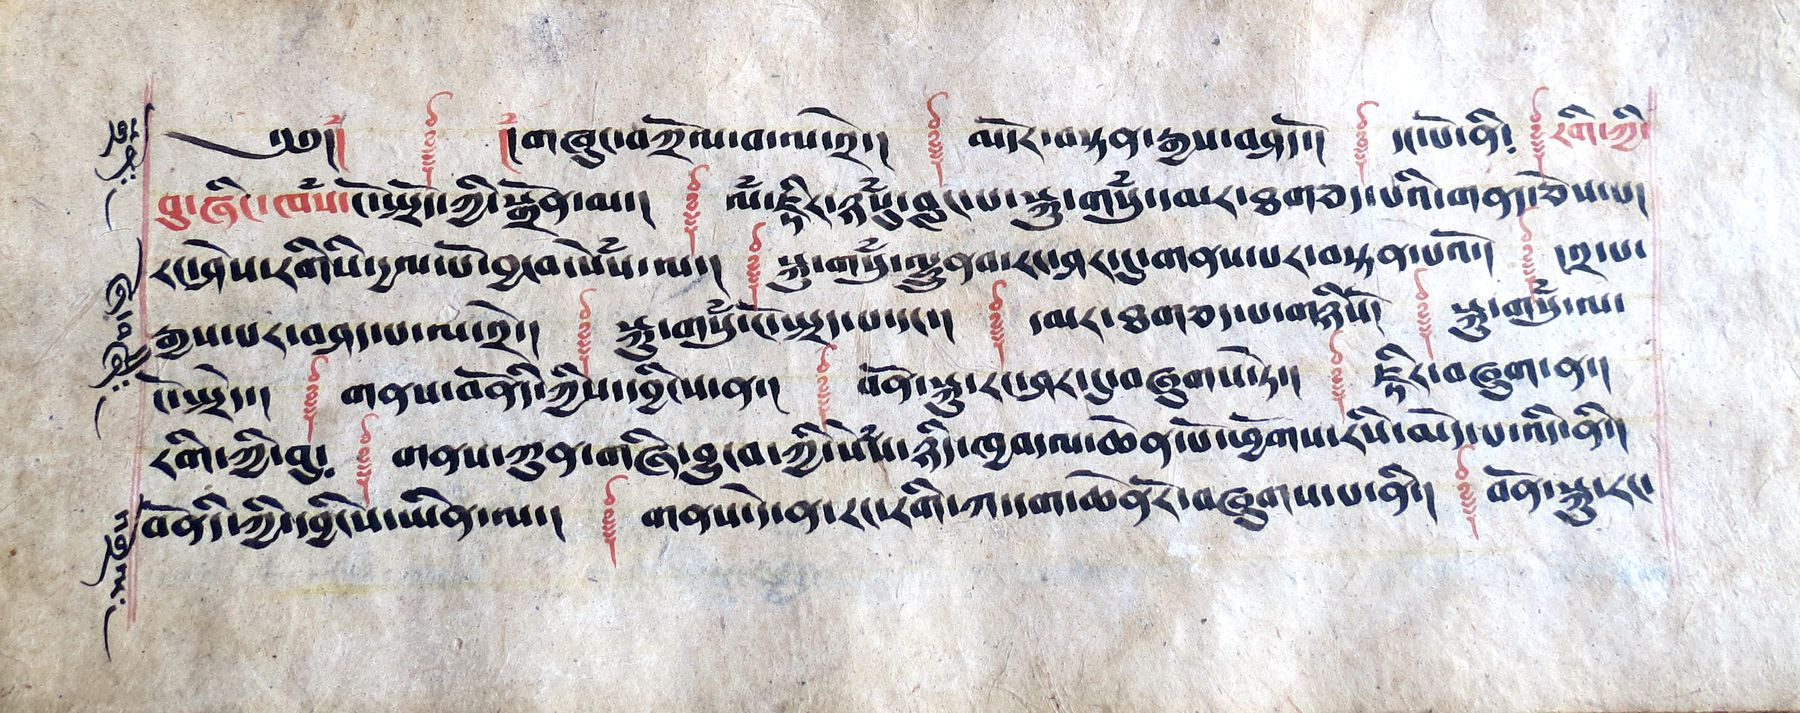གཞུང་བཀྲོལ་བ་ལ་གཉིས་ཏེ། མདོར་བསྟན་རྒྱས་བཤད་དོ། །དང་པོ་ནི། རིགས་ཀྱི་
བུ་ཞིང་ཁམས་ངོ་སྤྲོད་ཀྱི་སྒྲོན་མ། ལམ་ཇི་ལྟར་ཉམས་སུ་བླང་པ་སྐུ་གསུམ་དམར་ཐག་གཅོད་པའི་གནད་ཅེས་པས། 
རང་ཤེས་རིག་གི་རྒྱལ་པོ་བྱང་ཆུབ་སེམས་ལ། སྐུ་གསུམ་ལྷུན་གྲུབ་རང་ཤར་དུ་གནས་པར་བསྟན་པའོ། །གཉིས་པ་
རྒྱས་པར་བཤད་པ་ལ་གཉིས་ཏེ། སྐུ་གསུམ་ངོ་སྤྲད་པ་དང་། དམར་ཐག་བཅད་པ་གཉིས་སོ། །དང་པོ་ངོ་སྤྲོད་པ་ནི། སྐུ་གསུམ་ལ་
ངོ་སྤྲད་དེ། གནས་བོན་ཉིད་ཀྱི་དབྱིངས་ན། བོན་སྐུ་རང་ཤར་དུ་བཞུགས་ཏེ། ཇི་ལྟར་བཞུགས་ན། 
རིགས་ཀྱི་བུ་གནས་ཀུན་གཞི་བྱང་ཆུབ་སེམས་ཉིད་ཁྱབ་བདལ་ཆེན་པོ་ཕྱོགས་རིས་མེད་པ་འདི་ནི། 
བོན་ཉིད་ཀྱི་དབྱིངས་ཡིན་ལ། གནས་དེ་ན་རང་རིག་ཀ་དག་ཆེན་པོར་བཞུགས་པ་ནི། བོན་སྐུ་རང་